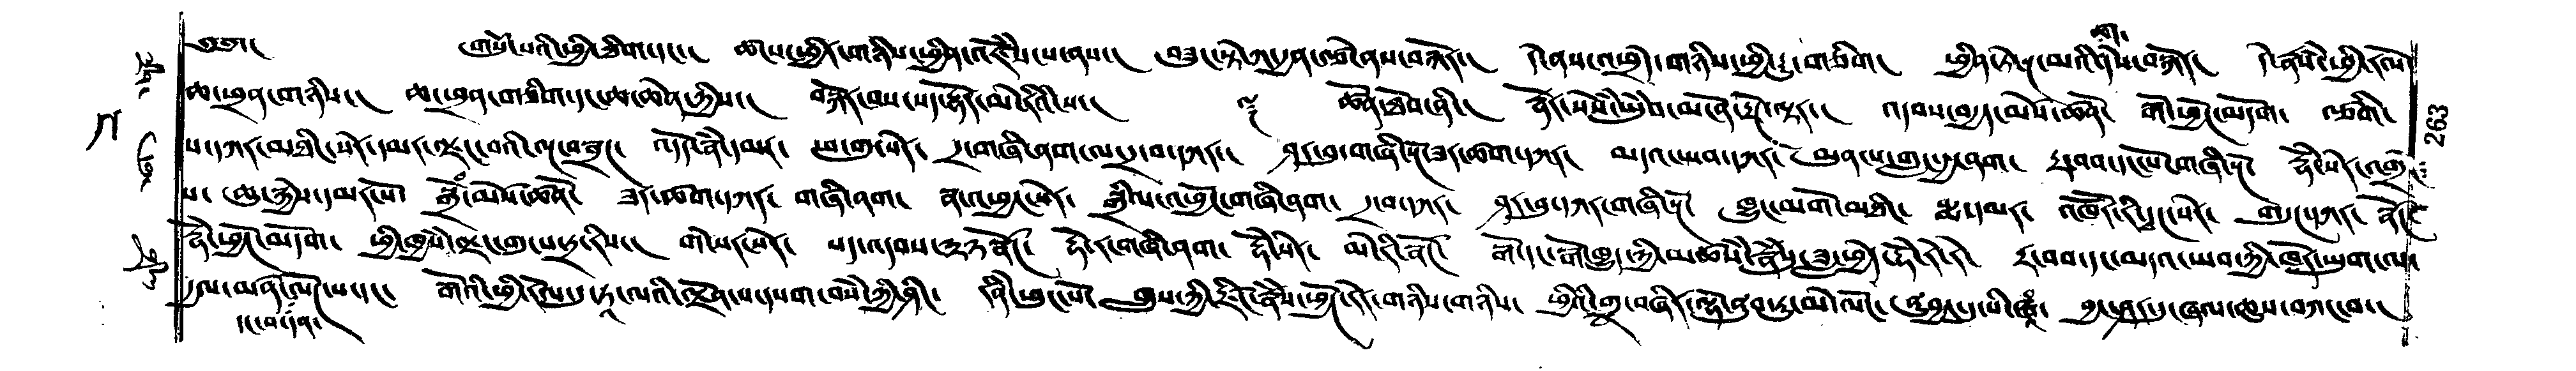གསུམ་པའི་ཕྱི་ཐིག་དང་། །ཚངས་ཕྱིར་གཉིས་ཕྱིན་འཛོམས་པ་ནས། །བཟུང་སྟེ་ཀ་རྒྱན་རྩེ་ནས་བསྐོར། །དེ་ནས་འཕྲེད་གཉིས་ཕྱི་རུ་གཅིག །ཕྱིན་ཏེ་སྔ་མའི་ཚད་དེས་བསྐོར། །དེ་རྣམས་ཕྱི་རོལ་
ཆ་ཕྲན་གཉིས། །ཆ་ཕྲན་གཅིག་དང་ཆ་ཆེན་གྱིས། །བསྐོར་བ་པད་རྡོར་མེ་རིའི་སའོ།། ༈ ཚོན་ཐོབ་ནི། རྡོར་སེམས་ཡབ་ཡུམ་མངོན་རྟོགས་ལྟར། འདབ་བརྒྱད་མཛེས་ཚོན། སྒོ་ཕྱོགས་མདོག རྩིག་
པ་དཀར་མཐིང་སེར་དམར་ལྗང་བའི་ལྔ་སྦྲགས། འདོད་རྣམས་དམར། ཕ་གུ་སེར། དྲྭ་གཞི་ནག་ལ་དྲྭ་བ་དཀར། ཤར་བུ་གཞི་སྔོ་ཟར་ཚགས་དཀར། མདའ་ཡབ་དཀར། མུན་པ་གླང་རྒྱབ་ནག རྟ་བབ་དང་པོ་བཞི་སྔོ། རྡོ་རྗེ་སེར་པོ་འགྲེང་
པ། ཆུ་སྐྱེས་དམར་པོ། སྒྲོ་མ་མཛེས་ཚོན། ཟར་ཚགས་དཀར། གཞི་ནག སྣ་འཕྱང་སེར། སྒྲིལ་འཕྱོང་གཞི་ནག དྲྭ་བ་དཀར། ཤར་བུ་དཀར་གཞི་སྔོ། ཁྱུང་མགོ་མཐིང་། པདྨ་དམར། འཁོར་ལོ་རི་དྭགས་སེར། གདུགས་དཀར། སྣ་ཚོགས་
རྡོ་རྗེ་ཕྱོགས་མདོག ཕྱི་ཁམས་ལྗང་གུ་པ་ཏྲ་རིས། གེ་སར་སེར། པད་འདབ་སོ་གཉིས་སྣ་ཚོགས། རྡོ་ར་གཞི་ནག རྡོ་རྗེ་སེར། མེ་རི་སྣ་ཚོགས། སྒོ་དང་སྒོ་ཁྱུད་ཀྱི་མཚམས་རྣམས་སུ་ཟླ་ཕྱེད་རྡོ་རྗེ་རེ་རེ། རྟ་བབ་དང་མདའ་ཡབ་ཀྱི་འཁོར་ཡུག་ལ་
རྒྱལ་མཚན་དང་བ་དན་འདོགས་པ་དང་། སྒོའི་ཕྱི་རོལ་དུ་ཏཱ་ལའི་ལྗོན་པ། དཔག་བསམ་ཀྱི་ཤིང་། རིན་པོ་ཆེ་ཕུང་པོ། ཁྲུས་ཀྱི་རྫིང་རྣམས་ཕྱོགས་རཻར་གཉིས་གཉིས། ཕྱིའི་གྲྭ་བཞིར་ལྷོ་ནུབ་ཏུ་མེ་ལོང་། ནུབ་བྱང་དུ་པི་ཝཱཾ། བྱང་ཤར་དུ་དུང་ཞལ་ཆུས་བཀང་བ།